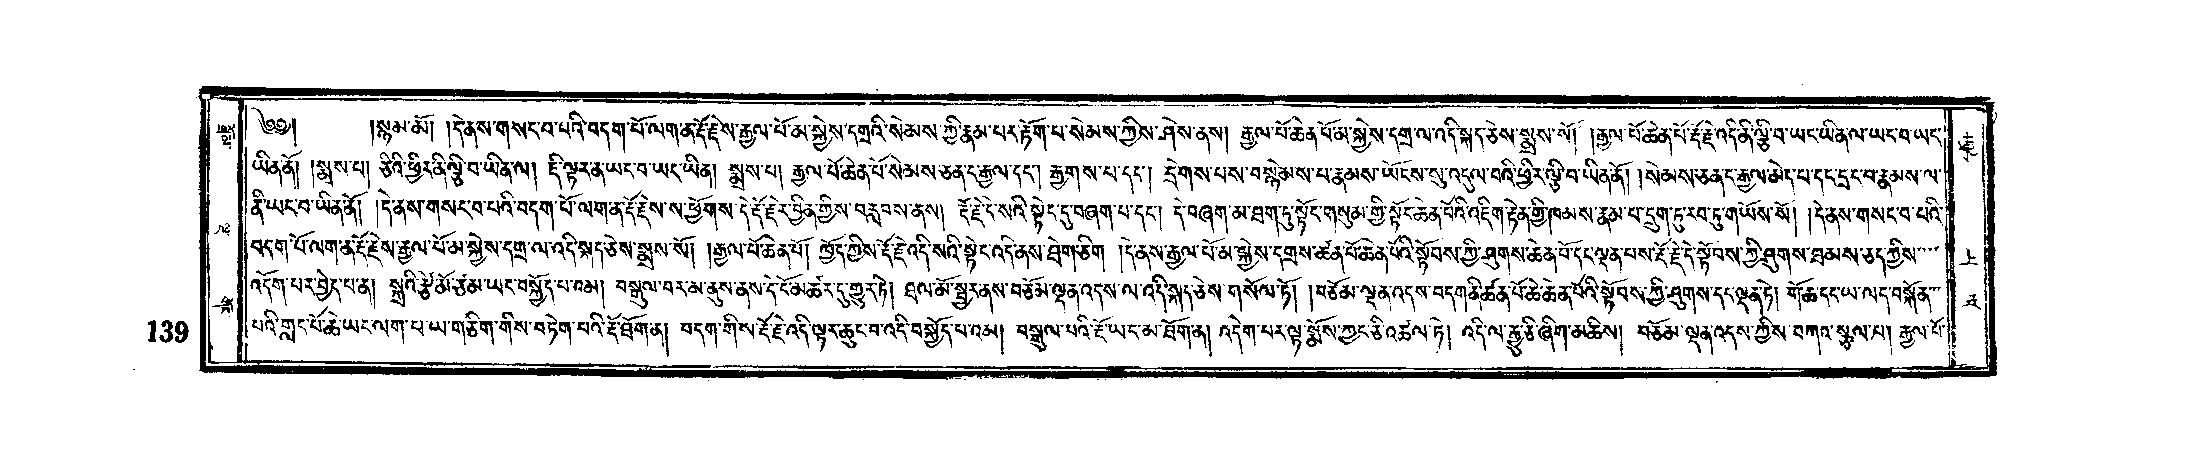༄༅། །སྙམ་མོ། །དེ་ནས་གསང་བ་པའི་བདག་པོ་ལག་ན་རྡོ་རྗེས་རྒྱལ་པོ་མ་སྐྱེས་དགྲའི་སེམས་ཀྱི་རྣམ་པར་རྟོག་པ་སེམས་ཀྱིས་ཤེས་ནས། རྒྱལ་པོ་ཆེན་པོ་མ་སྐྱེས་དགྲ་ལ་འདི་སྐད་ཅེས་སྨྲས་སོ། །རྒྱལ་པོ་ཆེན་པོ་རྡོ་རྗེ་འདི་ནི་ལྕི་བ་ཡང་ཡིན་ལ་ཡང་བ་ཡང་
ཡིན་ནོ། །སྨྲས་པ། ཅིའི་ཕྱིར་ནི་ལྕི་བ་ཡིན་ལ། ཇི་ལྟར་ན་ཡང་བ་ཡང་ཡིན། སྨྲས་པ། རྒྱལ་པོ་ཆེན་པོ་སེམས་ཅན་ང་རྒྱལ་དང་། རྒྱགས་པ་དང་། དྲེགས་པས་བསྙེམས་པ་རྣམས་ཡོངས་སུ་འདུལ་བའི་ཕྱིར་ལྕི་བ་ཡིན་ནོ། །སེམས་ཅན་ང་རྒྱལ་མེད་པ་དང་དྲང་བ་རྣམས་ལ་
ནི་ཡང་བ་ཡིན་ནོ། །དེ་ནས་གསང་བ་པའི་བདག་པོ་ལག་ན་རྡོ་རྗེས་ས་ཕྱོགས་དེ་རྡོ་རྗེར་བྱིན་གྱིས་བརླབས་ནས། རྡོ་རྗེ་དེ་སའི་སྟེང་དུ་བཞག་པ་དང་། དེ་བཞག་མ་ཐག་ཏུ་སྟོང་གསུམ་གྱི་སྟོང་ཆེན་པོའི་འཇིག་རྟེན་གྱི་ཁམས་རྣམ་པ་དྲུག་ཏུ་རབ་ཏུ་གཡོས་སོ། །དེ་ནས་གསང་བ་པའི་
བདག་པོ་ལག་ན་རྡོ་རྗེས་རྒྱལ་པོ་མ་སྐྱེས་དགྲ་ལ་འདི་སྐད་ཅེས་སྨྲས་སོ། །རྒྱལ་པོ་ཆེན་པོ། ཁྱོད་ཀྱིས་རྡོ་རྗེ་འདི་སའི་སྟེང་འདི་ནས་ཐེག་ཅིག །དེ་ནས་རྒྱལ་པོ་མ་སྐྱེས་དགྲས་ཚན་པོ་ཆེན་པོའི་སྟོབས་ཀྱི་ཤུགས་ཆེན་པོ་དང་ལྡན་པས་རྡོ་རྗེ་དེ་སྟོབས་ཀྱི་ཤུགས་ཐམས་ཅད་ཀྱིས་
འདོག་པར་བྱེད་པ་ན། སྐྲའི་རྩེ་མོ་ཙམ་ཡང་བསྐྱོད་པ་འམ། བསྒུལ་བར་མ་ནུས་ནས་དེ་ངོ་མཚར་དུ་གྱུར་ཏེ། ཐལ་མོ་སྦྱར་ནས་བཅོམ་ལྡན་འདས་ལ་འདི་སྐད་ཅེས་གསོལ་ཏོ། །བཅོམ་ལྡན་འདས་བདག་ནི་ཚན་པོ་ཆེ་ཆེན་པོའི་སྟོབས་ཀྱི་ཤུགས་དང་ལྡན་ཏེ། གོ་ཆ་དང་ཡ་ལད་བསྐོན་
པའི་གླང་པོ་ཆེ་ཡང་ལག་པ་ཡ་གཅིག་གིས་བཏེག་པའི་རྡོ་ཐོག་ན། བདག་གིས་རྡོ་རྗེ་འདི་ལྟར་ཆུང་བ་འདི་བསྐྱོད་པའམ། བསྒུལ་པའི་རྔོ་ཡང་མ་ཐོག་ན། འདེག་པར་ལྟ་སྨོས་ཀྱང་ཅི་འཚལ་ཏེ། འདི་ལ་རྒྱུ་ཅི་ཞིག་མཆིས། བཅོམ་ལྡན་འདས་ཀྱིས་བཀའ་སྩལ་པ། རྒྱལ་པོ་